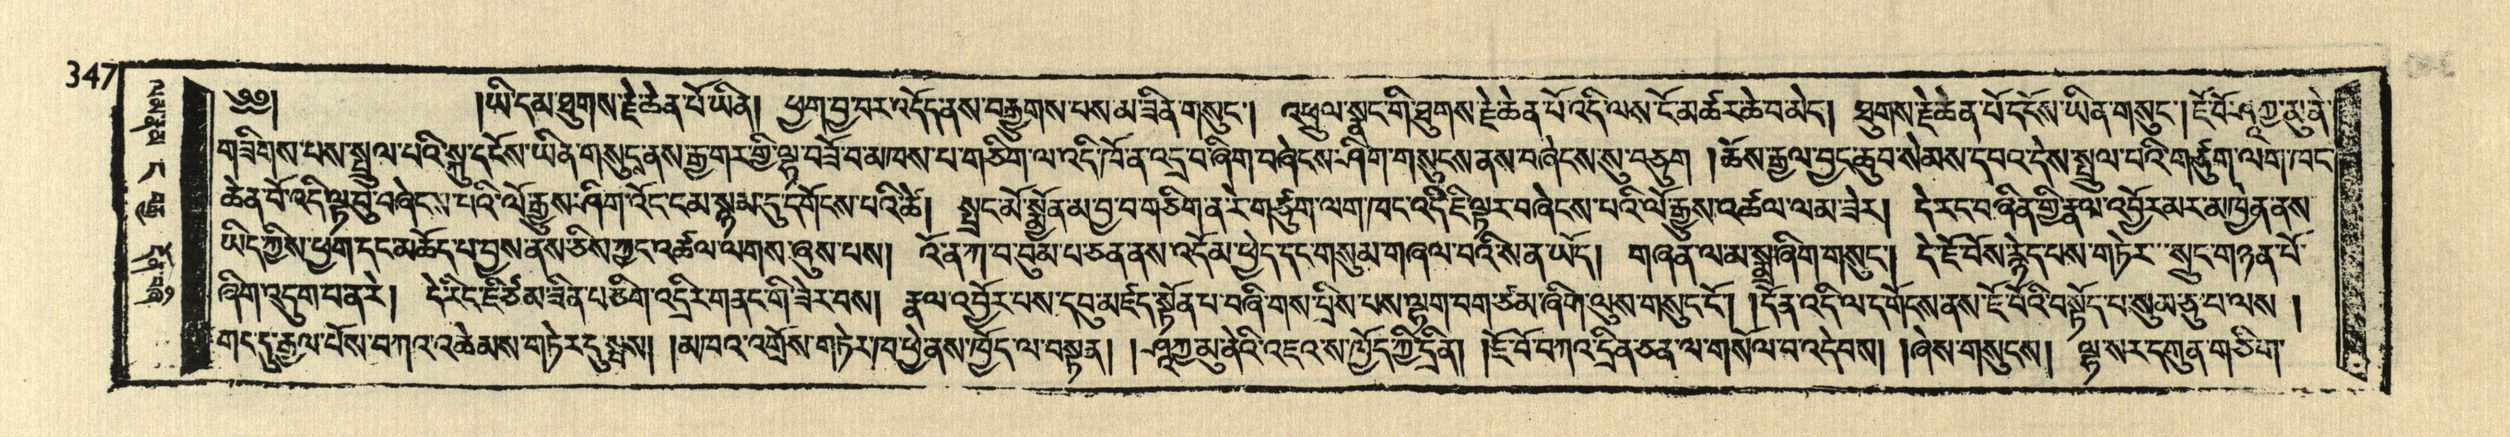༄༅། །ཡི་དམ་ཐུགས་རྗེ་ཆེན་པོ་ཡིན། ཕྱག་བྱ་བར་འདོད་ནས་བརྒྱུགས་པས་མ་ཟིན་གསུང་། འཕྲུལ་སྣང་གི་ཐུགས་རྗེ་ཆེན་པོ་འདི་ལས་ངོ་མཚར་ཆེ་བ་མེད། ཐུགས་རྗེ་ཆེན་པོ་དངོས་ཡིན་གསུང་། ཇོ་བོ་ཤཱཀྱ་མུ་ནེ་
གཟིགས་པས་སྤྲུལ་པའི་སྐུ་དངོས་ཡིན་གསུངས་ནས་རྒྱ་གར་གྱི་ལྷ་བཟོ་བ་མཁས་པ་གཅིག་ལ་འདི་ཁོ་ན་འདྲ་བ་ཞིག་བཞེངས་ཤིག་གསུངས་ནས་བཞེངས་སུ་བཅུག །ཆོས་རྒྱལ་བྱང་ཆུབ་སེམས་དཔའ་དེས་སྤྲུལ་པའི་གཙུག་ལག་ཁང་
ཆེན་བོ་འདི་ལྟ་བུ་བཞེངས་པའི་ལོ་རྒྱུས་ཤིག་འོང་དམ་སྙམ་དུ་དགོངས་པའི་ཚེ། སྤྲང་མོ་སྨྱོན་མ་བྱ་བ་གཅིག་ན་རེ་གཙུག་ལག་ཁང་འདི་ཇི་ལྟར་བཞེངས་པའི་ལོ་རྒྱུས་འཚལ་ལམ་ཟེར། དེ་རང་བཞིན་གྱི་རྣལ་འབྱོར་མར་མཁྱེན་ནས་
ཡིད་ཀྱིས་ཕྱག་དང་མཆོད་པ་བྱས་ནས་ཅིས་ཀྱང་འཚལ་ལགས་ཞུས་པས། འོ་ན་ཀ་བ་བུམ་པ་ཅན་ནས་འདོམ་ཕྱེད་དང་གསུམ་གཞལ་བའི་ས་ན་ཡོད། གཞན་ལ་མ་སྨྲ་ཞིག་གསུང་། དེ་ཇོ་བོས་རྙེད་པས་གཏེར་སྲུང་གཉན་པོ་
ཞིག་འདུག་པ་ན་རེ། དེ་རིང་ཇི་ཙམ་ཟིན་པ་ཅིག་འདྲིར་གནང་གི་ཟེར་བས། རྣལ་འབྱོར་པས་དབུ་མཛད་སྟོན་པ་བཞི་གས་པྲིས་པས་ལྷག་བག་ཙམ་ཞིག་ལུས་གསུང་ངོ། །དོན་འདི་ལ་དགོངས་ནས་ཇོ་བོའི་བསྟོད་པ་སུམ་ཅུ་པ་ལས།
གང་དུ་རྒྱལ་པོས་བཀའ་འཆེམས་གཏེར་དུ་སྦས། །མཁའ་འགྲོས་གཏེར་ཁ་ཕྱེ་ནས་ཁྱོད་ལ་བསྟན། །ཤཱཀྱ་མུ་ནེའི་འཇའ་ས་ཁྱོད་ཀྱི་དྲིན། །ཇོ་བོ་བཀའ་དྲིན་ཅན་ལ་གསོལ་བ་འདེབས། །ཞེས་གསུངས། ལྷ་སར་དགུན་གཅིག་